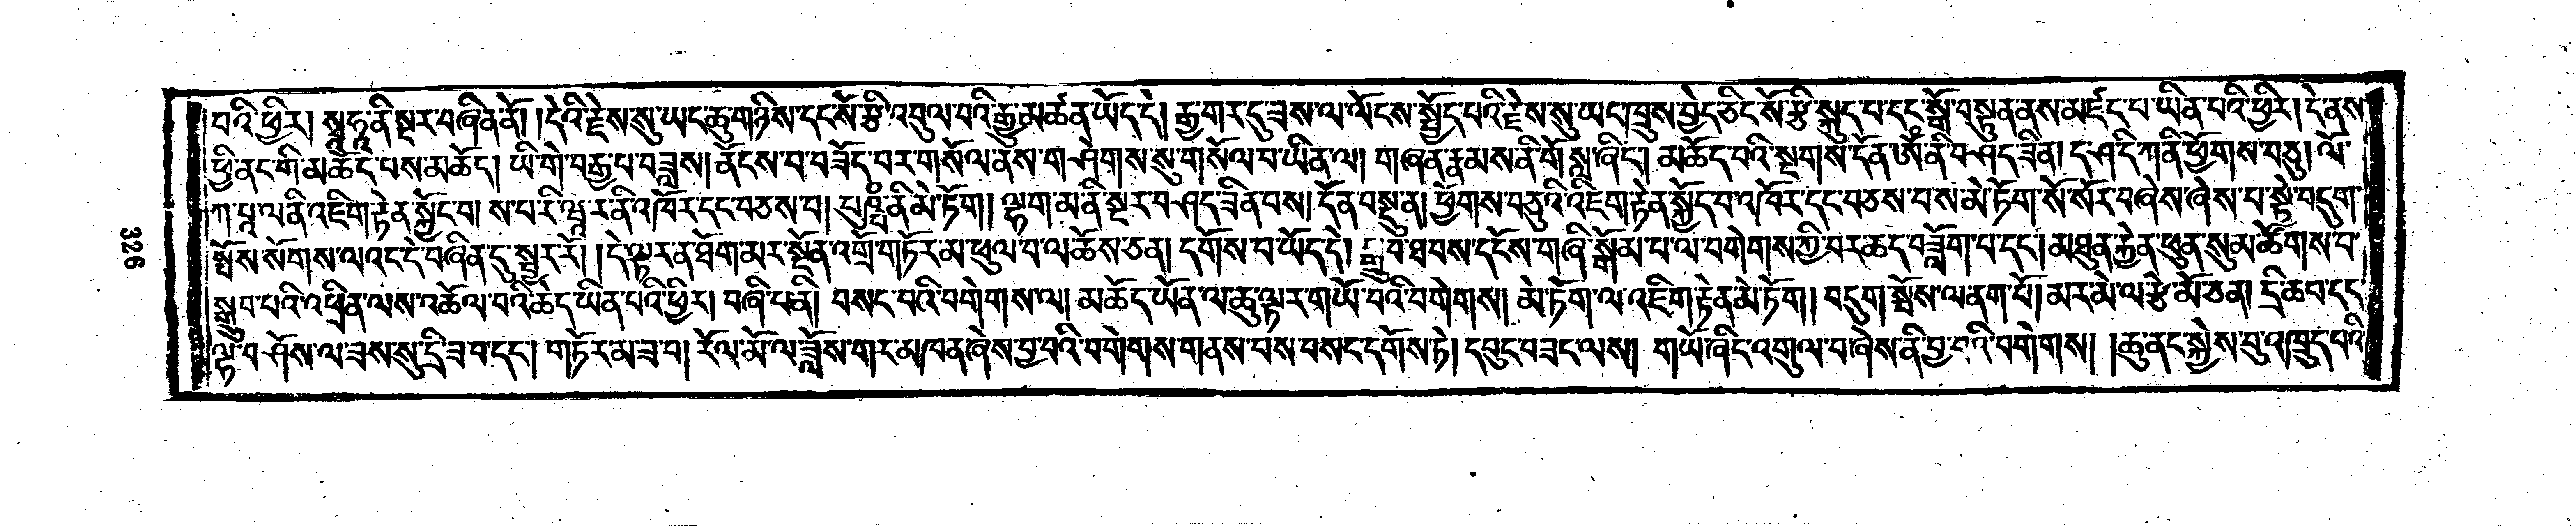པའི་ཕྱིར། སྭཱཧཱ་ནི་སྔར་བཞིན་ནོ། །དེའི་རྗེས་སུ་ཡང་ཆུ་གཉིས་དང་སོ་རྩི་འབུལ་བའི་རྒྱུ་མཚན་ཡོད་དེ། རྒྱ་གར་དུ་ཟས་ལ་ལོངས་སྤྱོད་པའི་རྗེས་སུ་ཡང་ཁྲུས་བྱེད་ཅིང་སོ་རྩི་སྐུད་པ་དང་སྒོ་བསྟུན་ནས་མཛད་པ་ཡིན་པའི་ཕྱིར། དེ་ནས་
ཕྱི་ནང་གི་མཆོད་པས་མཆོད། ཡི་གེ་བརྒྱ་བ་བཟླས། ནོངས་པ་བཟོད་པར་གསོལ་ནས་གཤེགས་སུ་གསོལ་བ་ཡིན་ལ། གཞན་རྣམས་ནི་གོ་སླ་ཞིང་། མཆོད་པའི་སྔགས་དོན་ཨོཾ་ནི་བཤད་ཟིན། ད་ཤ་དི་ག་ནི་ཕྱོགས་བཅུ། ལོ་
ཀ་པཱ་ལ་ནི་འཇིག་རྟེན་སྐྱོང་བ། ས་པ་རི་ཝཱ་ར་ནི་འཁོར་དང་བཅས་པ། པུཥྤཾ་ནི་མེ་ཏོག །ལྷག་མ་ནི་སྔར་བཤད་ཟིན་པས། །དོན་བསྡུ་ན། ཕྱོགས་བཅུའི་འཇིག་རྟེན་སྐྱོད་པ་འཁོར་དང་བཅས་པས་མེ་ཏོག་སོ་སོར་བཞེས་ཞེས་པ་སྟེ་བདུག་
སྤོས་སོགས་ལའང་དེ་བཞིན་དུ་སྦྱར་རོ། །དེ་ལྟར་ན་ཐོག་མར་སྔོན་འགྲོ་གཏོར་མ་ཕུལ་བ་ལ་ཆོས་ཅན། དགོས་པ་ཡོད་དེ། སྒྲུབ་ཐབས་དངོས་གཞི་སྒོམ་པ་ལ་བགེགས་ཀྱི་བར་ཆད་བཟློག་པ་དང་། མཐུན་རྐྱེན་ཕུན་སུམ་ཚོགས་པ་
སྒྲུབ་པའི་འཕྲིན་ལས་འཆོལ་བའི་ཆེད་ཡིན་པའི་ཕྱིར། བཞི་པ་ནི། བསང་བའི་བགེགས་ལ། མཆོད་ཡོན་ལ་ཆུ་ལྟར་གཡོ་བའི་བགེགས། མེ་ཏོག་ལ་འཇིག་རྟེན་མ་ཏོག །བདུག་སྤོས་ལ་ནག་པོ། མར་མེ་ལ་རྩེ་མོ་ཅན། དྲི་ཆབ་དང་
ལྷ་བཤོས་ལ་ཟས་སུ་དྲི་ཟབ་དང་། གཏོར་མ་ཟབ། རོལ་མོ་ལ་ཟློས་གར་མཁན་ཞེས་བྱ་པའི་བགེགས་གནས་པས་བསང་དགོས་ཏེ། དཔུང་བཟང་ལས། གཡོ་ཞིང་འགུལ་བཞེས་ནི་བྱ་བའི་བགེགས། །ཆུ་ནང་སྐྱེས་བུ་འཁྲུང་པའི་